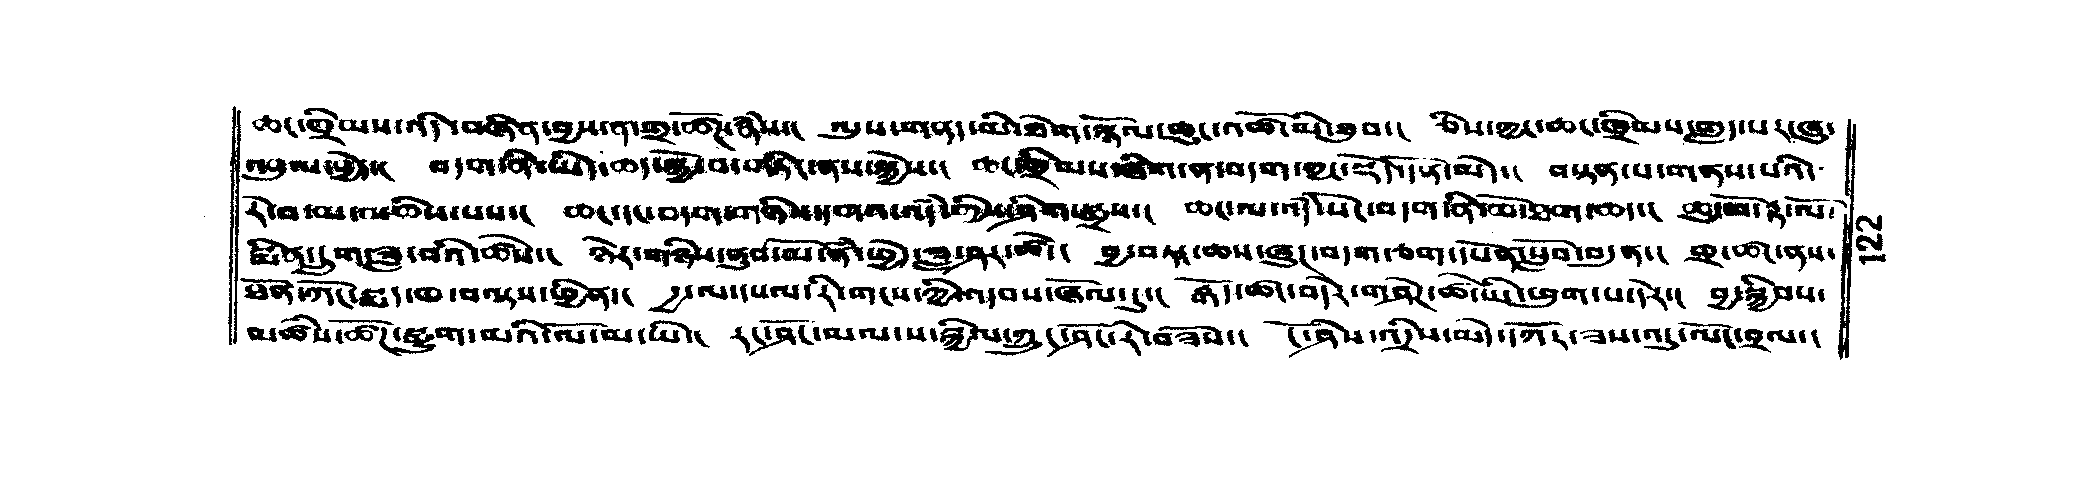།ཆང་ཁྲིམས་འདི་བཞིན་བྱས་ན་གྲྭ་ཚོགས་རྣམས། །ལུས་གནད་མི་ཐེག་སྙོམ་ཆུང་འཚོ་མི་ཐུབ། །ཅིས་ཀྱང་ཆང་ཁྲིམས་གློད་པར་ཞུ་
འབུལ་བྱེད། །བདག་ནི་ཡིད་ཆད་སྐྱོ་བ་གཏིང་ནས་སྐྱེས། །ཆང་ཁྲིམས་ཞིག་ན་བདག་ཀྱང་སྡོད་དོན་མེད། །བསྟན་པ་གནས་པའི་
རེ་བ་མ་མཆིས་པས། །ཆང་དང་བདག་གཉིས་དགའ་འདམ་གྱིས་ཤིག་སྨྲས། །ཆང་ལ་འདམ་སོང་བདག་ནི་ཁོ་ཐག་ཆད། །ཆུ་བོ་རྟ་ལོ་
སྨིན་དྲུག་ཟླ་བའི་ཚེས། །ཉེར་གཉིས་ནུབ་མོ་ནམ་ཕྱེད་ཟླ་ཤར་ཚེ། །བྱ་བཏང་ཆས་ཞུགས་བདག་ཅག་དཔོན་སློབ་བདུན། །གྲྭ་ཚང་ནས་
ཐོན་ཀོང་སྨད་ཁ་བལྟས་ཕྱིན། །རྒྱ་ལ་དཔལ་རི་གངས་ཀྱི་འདབས་ཞོལ་དུ། །རྒོད་ཚང་བདེ་གཤེགས་ཚེ་ཡི་ཕུག་པ་དེར། །བྱ་སྐྱིབས་
ཚང་ཚིང་སྨྱུག་མའི་ལོ་མ་ཡི། །རང་ཤོང་མལ་ས་སྐྱིལ་ཀྲུང་ཤོང་རེ་བཟོས། །ངོ་ཤེས་འདྲིས་མེད་དཀོར་ཟས་འདུ་ལོང་བྲལ།